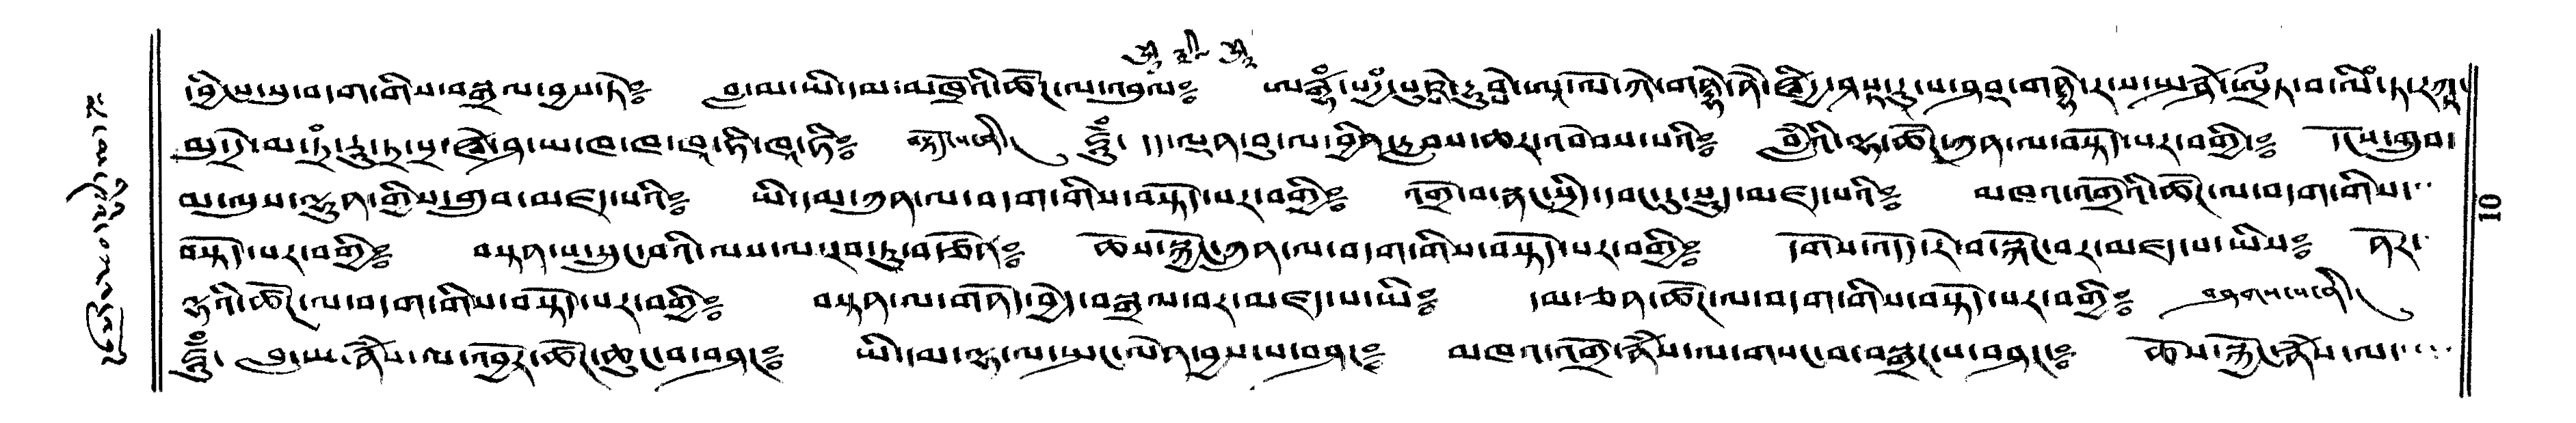དབྱིངས་སུ་བདག་གིས་བསྒྲལ་བྱས་ཏེ༔ བླ་མ་ཡི་དམ་མཁའ་འགྲོའི་ཚོགས་ལ་འབུལ༔ ཨརྒྷཾ་པདྱཾ་པུཥྤེ་དྷུབ་པཻ་ཨ་ལོ་ཀེ་གནྡྷེ་ནཻ་ཝི་དྱ་ཤཔྡ་རུ་པ་ཤབྡ་གནྡྷེ་ར་ས་སྤརྴེ་ཨ་མྲྀ་ཏ་བ་ལིཾ་ཏ་རཀྟ་
མུ་དྲེ་མ་ཏྲཾ་རཱུ་ཏྲ་པྲ་ཝེ་ཤ་ཡ་ཁ་ཁ་ཁཱ་ཧི་ཁཱ་ཧི༔ བསྟོད་པ་ནི། ཧཱུཾ༔ དད་ལྡན་བུ་ལ་བྱིན་རླབས་ཆར་འབེབས་པའི༔ བླ་མའི་ལྷ་ཚོགས་ཀུན་ལ་བསྟོད་པར་བགྱི༔ དངོས་གྲུབ་
མ་ལུས་ལྷུན་གྱིས་སྒྲུབ་མཛད་པའི༔ ཡི་དམ་ཀུན་ལ་བདག་གིས་བསྟོད་པར་བགྱི༔ འགྲོ་བ་སྣང་སྲིད་དབང་དུ་སྡུད་མཛད་པའི༔ མཁའ་འགྲོའི་ཚོགས་ལ་བདག་གིས་
བསྟོད་པར་བགྱི༔བསྟན་པ་སྲུང་བའི་ལས་ལ་རབ་ཏུ་བརྩོན༔ ཆོས་སྐྱོང་ཀུན་ལ་བདག་གིས་བསྟོད་པར་བགྱི༔ དགོས་འདོད་རེ་བ་སྐོང་བར་མཛད་པ་ཡིས༔ ནོར་
ལྷའི་ཚོགས་ལ་བདག་གིས་བསྟོད་པར་བགྱི༔ བསྟན་ལ་གནོད་བྱེད་བསྒྲལ་བར་མཛད་པ་ཡི༔ དམ་ཅན་ཚོགས་ལ་བདག་གིས་བསྟོད་པར་བགྱི༔ བཤགས་པ་ནི། 
ཧཱུཾ༔ བླ་མ་རྣམས་ལ་འབྱོར་ཚོགས་ཆུང་བ་བཤགས༔ ཡི་དམ་ལྷ་ལ་སྤོང་ལེན་བྱས་པ་བཤགས༔ མཁའ་འགྲོ་རྣམས་ལ་གསང་བ་བསྒྲགས་པ་བཤགས༔ ཆོས་སྐྱོང་རྣམས་ལ་